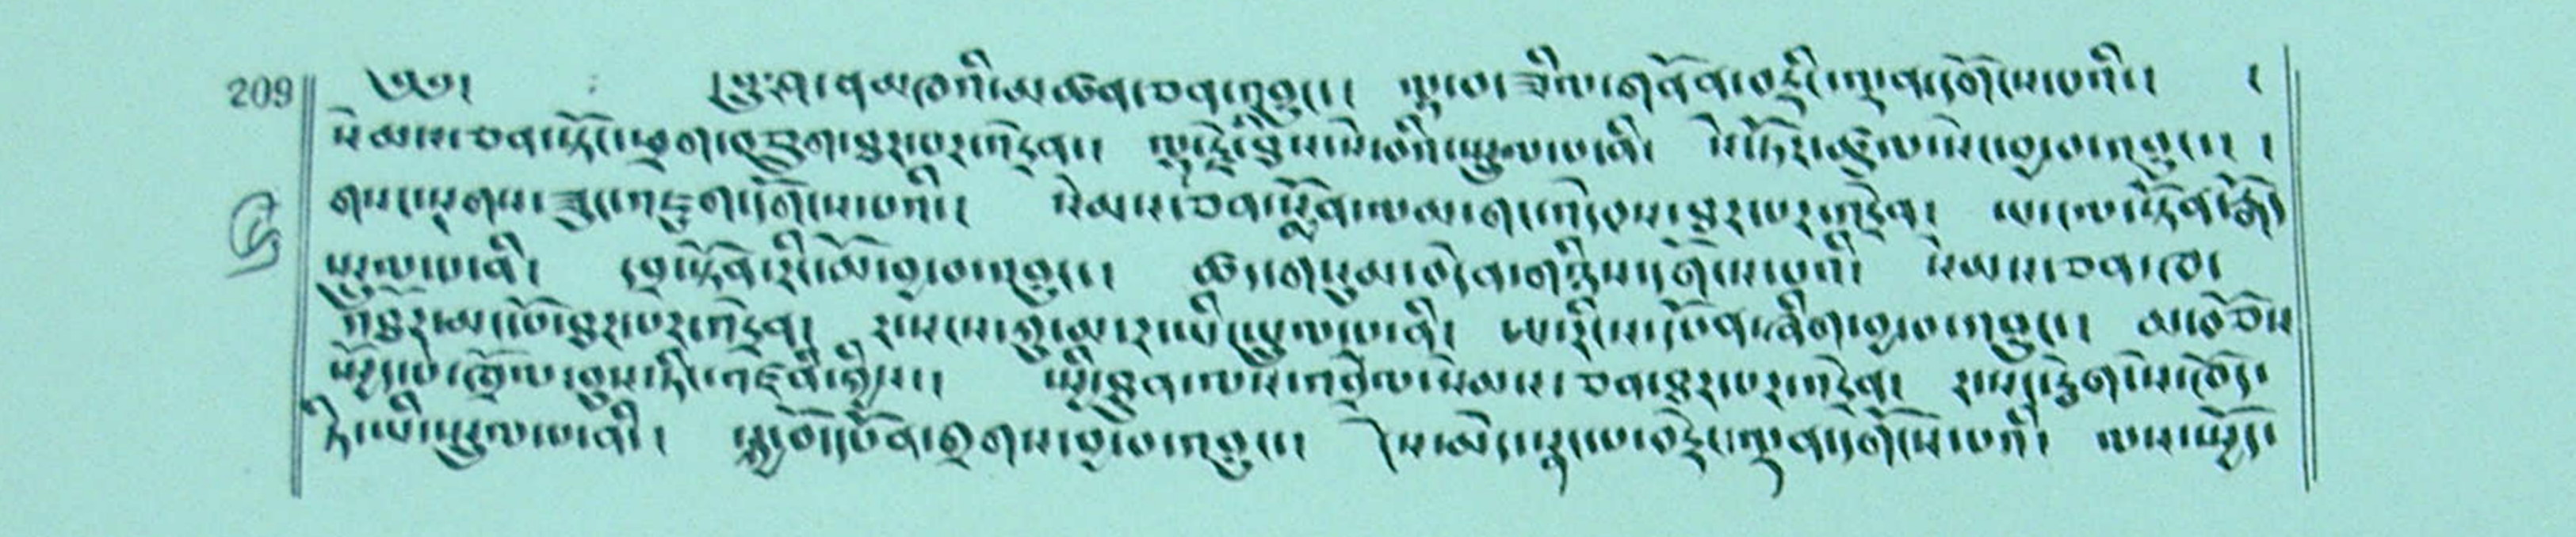༄༅། །བྲུ་ཤ་ནམ་མཁའི་མཚན་ཅན་འབྱུང་། ལྟ་བའི་ཟིལ་གནོན་རྡེངས་ལྡན་དགོངས་པའི། 
སེམས་ཅན་སྟོང་ཕྲག་བཅུ་དྲུག་ཐར་བར་འདྲེན། ལྷ་རྒྱལ་ཐིས་སེ་བའི་སྤྲུལ་པ་ནི། སེ་ཏོར་ཚུལ་སེང་བྱ་བ་འབྱུང་། 
གསང་སྔགས་ཟུང་འཇུག་དགོངས་པའི། སེམས་ཅན་སྨོན་ལམ་གང་འདེབས་ཐར་བར་འདྲེན། ཡ་ངལ་སྟོན་རྒོད་
སྤྲུལ་པ་ནི། དབྲ་སྟོན་རིང་མོ་བྱ་བ་འབྱུང་། ཚད་གསུམ་བདེན་གཉིས་དགོངས་པའི། སེམས་ཅན་ཁ་
འཐོར་མང་པོ་ཐར་བར་འདྲེན། ར་སངས་ཀུ་མ་ར་ཡི་སྤྲུལ་པ་ནི། ཨ་རིངས་དཔོན་ཞིག་བྱ་བ་འབྱུང་། མ་བཅོས་
སྤྱོད་པ་ཁྲོལ་བུའི་ཏིང་འཛིན་གྱིས། སྤྱི་མཐུན་ལས་འབྲེལ་སེམས་ཅན་ཐར་བར་འདྲེན། ར་སངས་རྦེག་སེ་ཁོད་
ཏི་ཡི་སྤྲུལ་པ་ནི། སྐྱ་བོ་དཔོན་གྲགས་བྱ་བ་འབྱུང་། ངེས་མེད་སྣང་བ་བརྡེང་ལྡན་དགོངས་པའི། ལས་སྤྱོད་